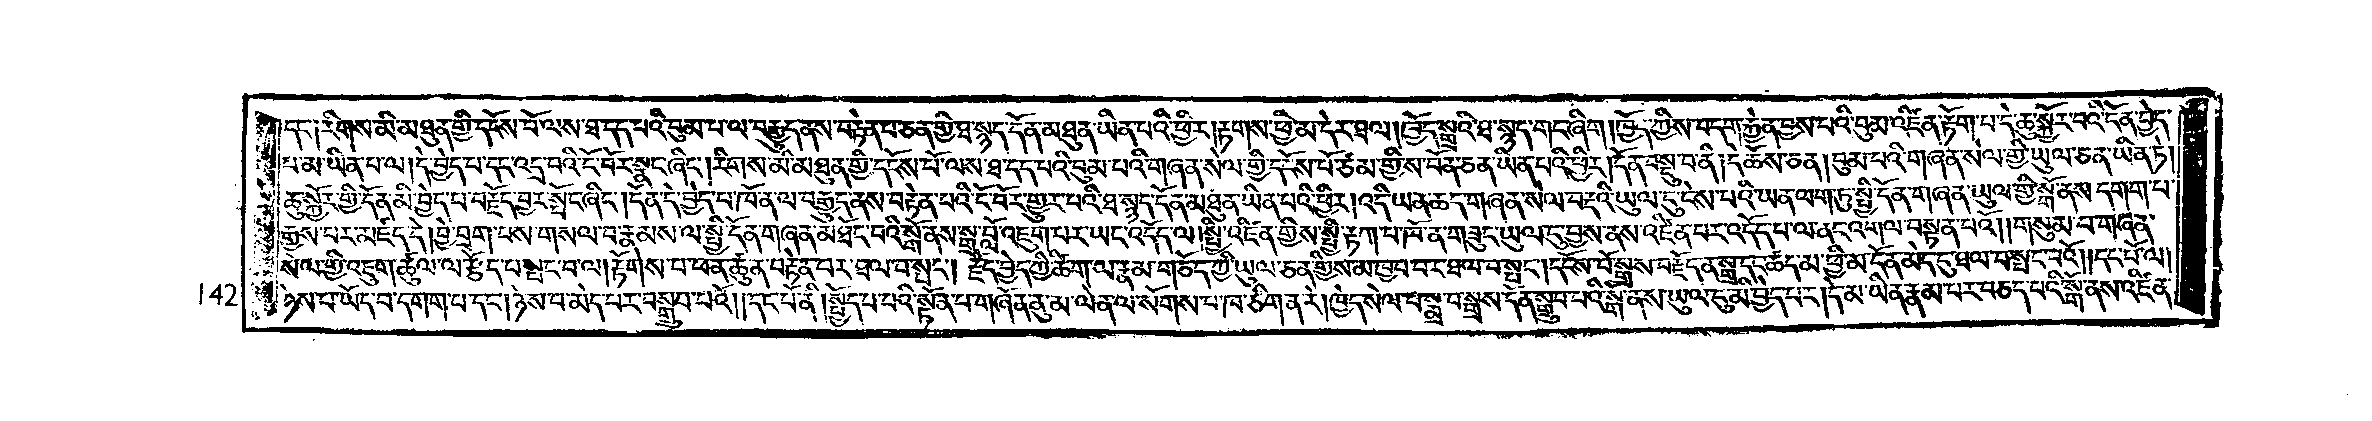དང་། རིགས་མི་མཐུན་གྱི་དངོས་པོ་ལས་ཐ་དད་པའི་ངུམ་?་པ་ལ་བརྒྱུད་ནས་བརྟེན་པ་ཅན་གྱི་ཐ་སྙད་དོན་མཐུན་ཡིན་པའི་ཕྱིར། རྟགས་ཕྱི་མ་དེར་ཐལ། ཁྱོད་སྒྲའི་ཐ་སྙད་གང་ཞིག །ཁྱོད་ཀྱིས་བདག་རྐྱེན་བྱས་པའི་བུམ་འཛིན་རྟོག་པ་དེ་ཆུ་སྐྱོར་བའི་དོན་བྱེད་
པ་མ་ཡིན་པ་ལ། དེ་བྱེད་པ་དང་། འདྲ་བའི་ངོ་བོར་སྣང་ཞིང་རིགས་མི་མཐུན་གྱི་དངོས་པོ་ལས་ཐ་དད་པའི་བུམ་པའི་གཞན་སེལ་གྱི་དངོས་པོ་ཙམ་གྱི་ས་བོན་ཅན་ཡིན་པའི་ཕྱིར། དོན་བསྡུ་བ་ནི། དེ་ཆོས་ཅན། བུམ་པའི་གཞན་སེལ་གྱི་ཡུལ་ཅན་ཡིན་ཏེ།
ཆུ་སྐྱོར་གྱི་དོན་མི་བྱེད་པ་བརྗོད་བྱར་སྤོང་ཞིང་། དོན་དེ་བྱེད་པ་ཁོ་ན་ལ་བརྒྱུད་ནས་བརྟེན་པའི་ངོ་བོར་གྱུར་པའི་ཐ་སྙད་དོན་མཐུན་ཡིན་པའི་ཕྱིར། འདི་ཡན་ཆད་གཞན་སེལ་བརྡའི་ཡུལ་དུ་ངེས་པའི་ཡན་ལག་ཏུ་སྤྱི་དོན་གཞན་ཡུལ་གྱི་སྒོ་ནས་དགག་པ་
རྒྱས་པར་མཛད་དེ། བྱེ་བྲག་པས་གསལ་བ་རྣམས་ལ་སྤྱི་དོན་གཞན་མཐོང་བའི་སྒོ་ནས་སྒྲ་བློ་འཇུག་པར་ཡང་འདོད་ལ། སྤྱི་འཛིན་གྱིས་སྤྱི་རྟག་པ་ཁོ་ན་གཟུང་ཡུལ་དུ་བྱས་ནས་འཛིན་པར་འདོད་པ་ལ་ནང་འགལ་བསྟན་པའོ། །གསུམ་པ་གཞན་
སེལ་གྱི་འཇུག་ཚུལ་ལ་རྩོད་པ་སྤང་བ་ལ། རྟོགས་པ་ཕན་ཚུན་བརྟེན་པར་ཐལ་བ་སྤང་། རྗོད་བྱེད་ཀྱི་ཚིག་ལ་རྣམ་གཅོད་ཀྱི་ཡུལ་ཅན་གྱིས་མ་ཁྱབ་པར་ཐལ་བ་སྤང་། དངོས་པོ་སྒྲས་བརྗོད་ན་སྒྲ་དང་ཚད་མ་ཕྱི་མ་དོན་མེད་དུ་ཐལ་བ་སྤང་བའོ། །དང་པོ་ལ།
ཉེས་པ་ཡོད་པ་དགག་པ་དང་། ཉེས་པ་མེད་པར་བསྒྲུབ་པའོ། །དང་པོ་ནི། སྤྱོད་པ་པའི་སྟོན་པ་གཞོན་ནུ་མ་ལེན་ལ་སོགས་པ་ཁ་ཅིག་ན་རེ། ཁྱེད་སེལ་བ་སྨྲ་བ་སྒྲས་དོན་སྒྲུབ་པའི་སྒོ་ནས་ཡུལ་དུ་མི་བྱེད་པར། དེ་མ་ཡིན་རྣམ་པར་བཅད་པའི་སྒོ་ནས་འཛིན་